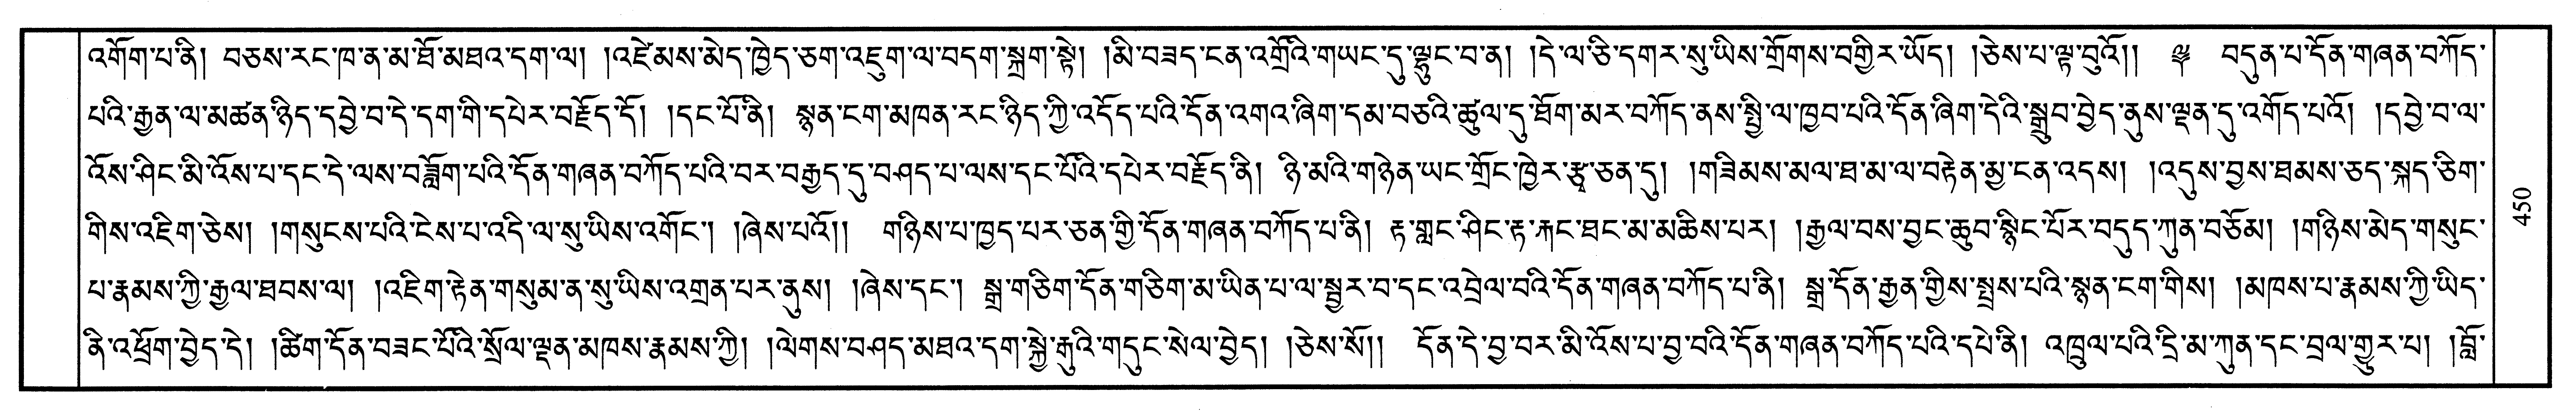འགོག་པ་ནི། བཅས་རང་ཁ་ན་མ་ཐོ་མཐའ་དག་ལ། །འཛེམས་མེད་ཁྱེད་ཅག་འཇུག་ལ་བདག་སྐྲག་སྟེ། །མི་བཟད་ངན་འགྲོའི་གཡང་དུ་ལྷུང་བ་ན། །དེ་ལ་ཅི་དགར་སུ་ཡིས་གྲོགས་བགྱིར་ཡོད། །ཅེས་པ་ལྟ་བུའོ།། ༈ བདུན་པ་དོན་གཞན་བཀོད་
པའི་རྒྱན་ལ་མཚན་ཉིད་དབྱེ་བ་དེ་དག་གི་དཔེར་བརྗོད་དོ། །དང་པོ་ནི། སྙན་ངག་མཁན་རང་ཉིད་ཀྱི་འདོད་པའི་དོན་འགའ་ཞིག་དམ་བཅའི་ཚུལ་དུ་ཐོག་མར་བཀོད་ནས་སྤྱི་ལ་ཁྱབ་པའི་དོན་ཞིག་དེའི་སྒྲུབ་བྱེད་ནུས་ལྡན་དུ་འགོད་པའོ། །དབྱེ་བ་ལ་
འོས་ཤིང་མི་འོས་པ་དང་དེ་ལས་བཟློག་པའི་དོན་གཞན་བཀོད་པའི་བར་བརྒྱད་དུ་བཤད་པ་ལས་དང་པོའི་དཔེར་བརྗོད་ནི། ཉི་མའི་གཉེན་ཡང་གྲོང་ཁྱེར་རྩྭ་ཅན་དུ། །གཟིམས་མལ་ཐ་མ་ལ་བརྟེན་མྱ་ངན་འདས། །འདུས་བྱས་ཐམས་ཅད་སྐད་ཅིག་
གིས་འཇིག་ཅེས། །གསུངས་པའི་ངེས་པ་འདི་ལ་སུ་ཡིས་འགོང་། །ཞེས་པའོ།། གཉིས་པ་ཁྱད་པར་ཅན་གྱི་དོན་གཞན་བཀོད་པ་ནི། རྟ་གླང་ཤིང་རྟ་རྐང་ཐང་མ་མཆིས་པར། །རྒྱལ་བས་བྱང་ཆུབ་སྙིང་པོར་བདུད་ཀུན་བཅོམ། །གཉིས་མེད་གསུང་
པ་རྣམས་ཀྱི་རྒྱལ་ཐབས་ལ། །འཇིག་རྟེན་གསུམ་ན་སུ་ཡིས་འགྲན་པར་ནུས། །ཞེས་དང་། སྒྲ་གཅིག་དོན་གཅིག་མ་ཡིན་པ་ལ་སྦྱར་བ་དང་འབྲེལ་བའི་དོན་གཞན་བཀོད་པ་ནི། སྒྲ་དོན་རྒྱན་གྱིས་སྤྲས་པའི་སྙན་ངག་གིས། །མཁས་པ་རྣམས་ཀྱི་ཡིད་
ནི་འཕྲོག་བྱེད་དེ། །ཚིག་དོན་བཟང་པོའི་སྲོལ་ལྡན་མཁས་རྣམས་ཀྱི། །ལེགས་བཤད་མཐའ་དག་སྐྱེ་རྒུའི་གདུང་སེལ་བྱེད། །ཅེས་སོ།། དོན་དེ་བྱ་བར་མི་འོས་པ་བྱ་བའི་དོན་གཞན་བཀོད་པའི་དཔེ་ནི། འཁྲུལ་པའི་དྲི་མ་ཀུན་དང་བྲལ་གྱུར་པ། །བློ་